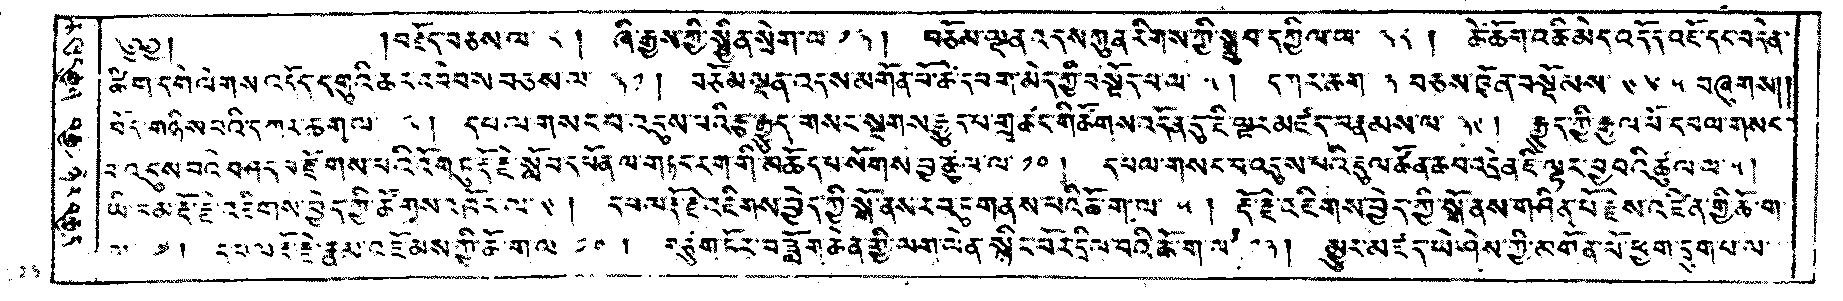༄༅། །བརྗོད་བཅས་ལ ༨། ཞི་རྒྱས་ཀྱི་སྦྱིན་སྲེག་ལ ༡༣། བཅོམ་ལྡན་འདས་ཀུན་རིགས་ཀྱི་སྒྲུབ་དཀྱིལ་ལ ༣༨། ཚེ་ཆོག་འཆི་མེད་འདོད་འཇོ་དང་བདེན་
ཚིག་དགེ་ལེགས་འདོད་དགུའི་ཆར་འབེབས་བཅས་ལ ༣༡། བཅོམ་ལྡན་འདས་མགོན་པོ་ཚེ་དཔག་མེད་ཀྱི་བསྟོད་པ་ལ ༥། དཀར་ཆག ༢་བཅས་ཁྱོན་བསྡོམས ༤༦༥་བཞུགས། །
པོད་གཉིས་པའི་དཀར་ཆག་ལ ༣། དཔལ་གསང་བ་འདུས་པའི་རྩ་རྒྱུད་གསང་སྔགས་རྒྱུད་པ་གྲྭ་ཚང་གི་ཚོགས་འདོན་དུ་ཇི་ལྟར་མཛད་པ་རྣམས་ལ ༣༤། རྒྱུད་ཀྱི་རྒྱལ་པོ་དཔལ་གསང་
བ་འདུས་པའི་བཤད་པ་རྫོགས་པའི་འོག་ཏུ་རྡོ་རྗེ་སློབ་དཔོན་ལ་གཏང་རག་གི་མཆོད་པ་སོགས་བྱ་ཚུལ་ལ ༡༠། དཔལ་གསང་བ་འདུས་པའི་རྡུལ་ཚོན་ཆབ་འདྲེན་ཇི་ལྟར་བྱ་བའི་ཚུལ་ལ ༥།
ཡི་དམ་རྡོ་རྗེ་འཇིགས་བྱེད་ཀྱི་ཚོགས་འཁོར་ལ ༤། དཔལ་རྡོ་རྗེ་འཇིགས་བྱེད་ཀྱི་སྒོ་ནས་རབ་ཏུ་གནས་པའི་ཆོ་ག་ལ ༥། རྡོ་རྗེ་འཇིགས་བྱེད་ཀྱི་སྒོ་ནས་གཤིན་པོ་རྗེས་འཛིན་གྱི་ཆོ་ག་
ལ ༧། དཔལ་རྡོ་རྗེ་རྣམ་འཇོམས་ཀྱི་ཆོ་ག་ལ ༡༠། གཙུག་ཏོར་བཟློག་ཆེན་གྱི་ལག་ལེན་སྙིང་པོར་དྲིལ་བའི་ཆོ་ག་ལ ༡༢། མྱུར་མཛད་ཡེ་ཤེས་ཀྱི་མགོན་པོ་ཕྱག་དྲུག་པ་ལ་